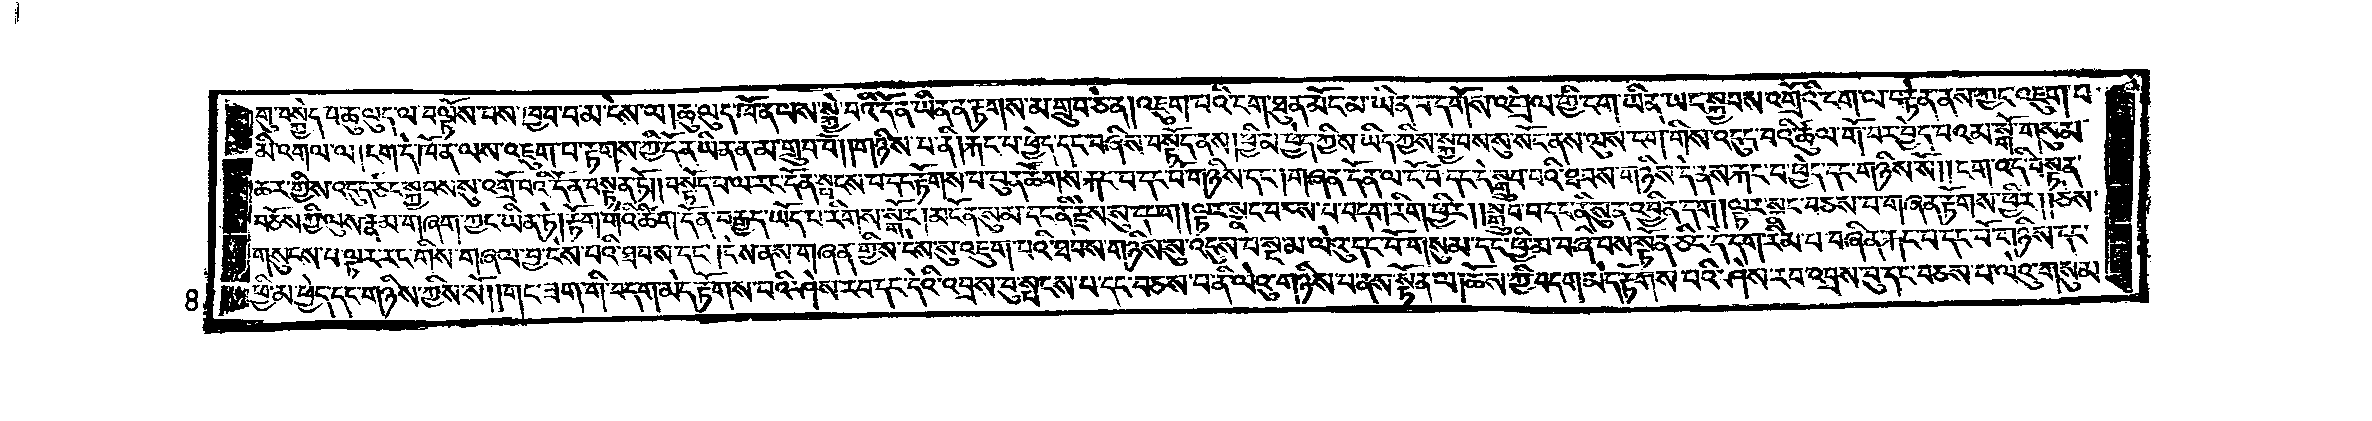གུ་བསྐྱེད་བ་ཆུ་ལུད་ལ་བལྟོས་པས་ཁྱབ་པ་མ་ངེས་ལ། ཆུ་ལུད་ཁོ་ན་ལས་སྐྱེ་བའི་དོན་ཡིན་ན་རྟགས་མ་གྲུབ་ཅེ་ན། འཇུག་པའི་ངག་ཐུན་མོང་མ་ཡིན་པ་དགོས་འགྲེལ་གྱི་ངག་ཡིན་ཡང་སྐྱབས་འགྲོའི་ངག་ལ་བརྟེན་ནས་ཀྱང་འཇུག་པ་
མི་འགལ་ལ། ངག་དེ་ཁོ་ན་ལས་འཇུག་པ་རྟགས་ཀྱི་དོན་ཡིན་ན་མ་གྲུབ་བོ། །གཉིས་པ་ནི། རྐང་པ་ཕྱེད་དང་བཞིས་བསྟོད་ནས། ཕྱི་མ་ཕྱེད་ཀྱིས་ཡིད་ཀྱིས་སྐྱབས་སུ་སོང་ནས་ལུས་ངག་གིས་འདུད་བའི་ཚུལ་གོ་བར་བྱེད་པའམ་སྒོ་གསུམ་
ཆར་གྱིས་འདུད་ཙང་སྐྱབས་སུ་འགྲོ་བའི་དོན་བསྟན་ཏོ། །བསྟོད་པ་ལ་རང་དོན་སྤངས་པ་དང་རྟོགས་པ་ཕུན་ཚོགས་རྐང་པ་དང་པོ་གཉིས་དང་། གཞན་དོན་ལ་ངོ་བོ་དང་དེ་སྒྲུབ་པའི་ཐབས་གཉིས་དེ་ནས་རྐང་པ་ཕྱེད་དང་གཉིས་སོ། །ངག་འདི་བསྟན་
བཅོས་ཀྱི་ལུས་རྣམ་གཞག་ཀྱང་ཡིན་ཏེ། རྟོག་གེའི་ཚིག་དོན་བརྒྱད་ཡོད་པ་རིགས་སྒོར། མངོན་སུམ་དང་ནི་རྗེས་སུ་དཔག །ལྟར་སྣང་བཅས་པ་བདག་རིག་ཕྱིར། །སྒྲུབ་པ་དང་ནི་སུན་འབྱིན་དག །ལྟར་སྣང་བཅས་པ་གཞན་རྟོགས་ཕྱིར། །ཅེས་
གསུངས་པ་ལྟར་རང་གིས་གཞལ་བྱ་ངེས་པའི་ཐབས་དང་། ངེས་ནས་གཞན་གྱིས་ངེས་སུ་འཇུག་པའི་ཐབས་གཉིས་སུ་འདུས་པ་སྔ་མ་ལེའུ་དང་པོ་གསུམ་དང་ཕྱི་མ་བཞི་པས་སྟོན་ཅིང་དེ་དག་རིམ་པ་བཞིན་རྐང་པ་དང་པོ་གཉིས་དང་
ཕྱི་མ་ཕྱེད་དང་གཉིས་ཀྱིས་སོ། །གང་ཟག་གི་བདག་མེད་རྟོགས་པའི་ཤེས་རབ་དང་དེའི་འབྲས་བུ་སྤངས་པ་དང་བཅས་པ་ནི་ལེའུ་གཉིས་པ་ནས་སྟོན་ལ། ཆོས་ཀྱི་བདག་མེད་རྟོགས་པའི་ཤེས་རབ་འབྲས་བུ་དང་བཅས་པ་ལེའུ་གསུམ་